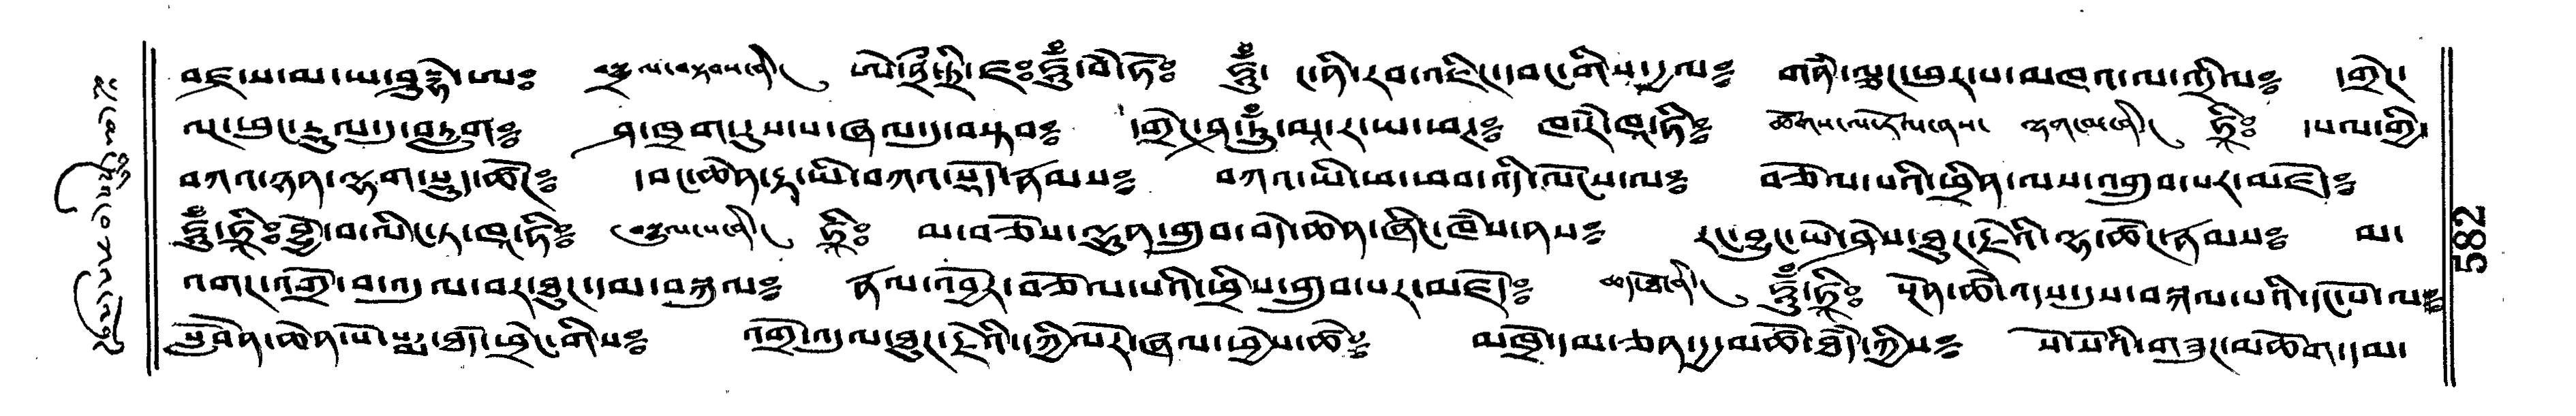བཛྲ་ས་མ་ཡ་ཤུ་དྡྷེ་ཨ༔ བསྒྲལ་བསྟབས་ནི། ཨེ་ནྲྀ་ཏྲི་ཛཿཧཱུྃ་བཾ་ཧོ༔ ཧཱུྃཿ ང་ནི་རབ་འཇིགས་དབང་གི་རྒྱལ༔ གནམ་ལྕགས་ཕུར་པ་མཁའ་ལ་འདྲིལ༔ དགྲ་བགེགས་
ལྔ་ཕུང་རྡུལ་དུ་བརླག༔ ཤ་ཁྲག་རུས་པ་ཞལ་དུ་བསྟབ༔ དགྲ་བགེགས་ཤ་ཏྲུྃ་མཱ་ར་ཡ་ཕཊ༔ ཁ་རཾ་ཁཱ་ཧི༔ ཚོགས་ལ་རོལ་ནས། ལྷག་མ་ནི། ཧྲཱི༔ དཔལ་གྱི་
བཀའ་ཉན་ལྷག་སྡུད་ཚོགས༔ དབང་ཆེན་རྟ་ཡི་བཀའ་སྡོད་རྣམས༔ བཀའ་ཡི་ཕམ་ཕབ་འདི་ལོངས་ལ༔ བཅོལ་པའི་ཕྲིན་ལས་འགྲུབ་པར་མཛོད༔ 
ཧཱུྃ་ཧྲཱིཿབྷྱོ་བ་ལིངྟ་ཁཱ་ཧི༔བསྐུལ་པ་ནི། ཧྲཱི༔ མ་བཅོས་ལྷུན་གྲུབ་བདེ་ཆེན་ཞིང་ཁམས་ནས༔ རང་བྱུང་ཡེ་ཤེས་ཐུགས་རྗེའི་ལྷ་ཚོགས་རྣམས༔ མ་
འགགས་འགྲོ་བ་འདུལ་བར་ཐུགས་དམ་བསྐུལ༔ རྣལ་འབྱོར་བཅོལ་པའི་ཕྲིན་ལས་གྲུབ་པར་མཛོད༔ ཆད་ཐོ་ནི། ཧཱུྃ་ཧྲཱི༔ སྔོན་ཚེ་འདས་དུས་བསྐལ་པའི་དང་པོ་ལ༔ 
སློབ་དཔོན་ཆེན་པོ་པདྨ་ཐོད་ཕྲེང་གིས༔ འགྲོ་འདུལ་ཐུགས་རྗེའི་དཀྱིལ་འཁོར་ཞལ་ཕྱེས་ཚེ༔ མཁའ་འགྲོ་དམ་ཅན་རྒྱ་མཚོ་ཐམས་ཅད་ཀྱིས༔ སོ་སོའི་གཟུགས་མཆོག་དམ་༼